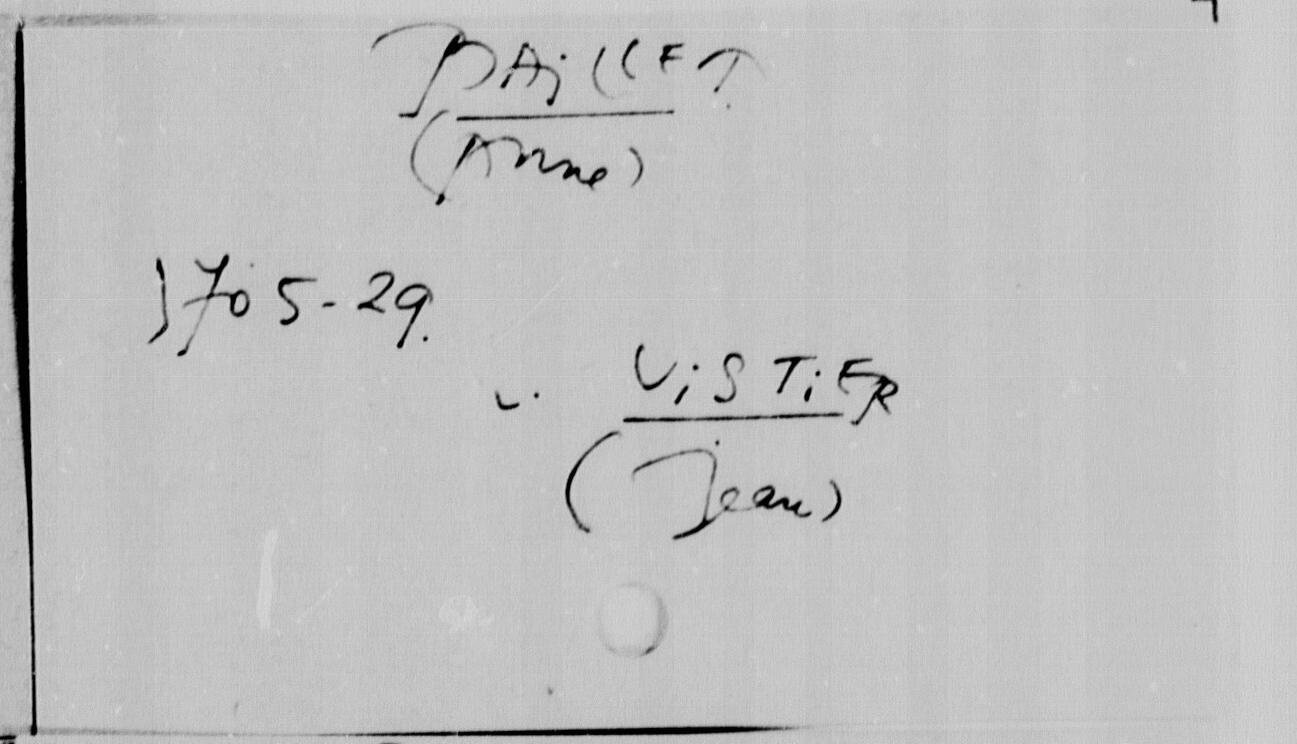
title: BAILLET (Anne)
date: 1705-1729
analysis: Voir VISTIER (Jean)
